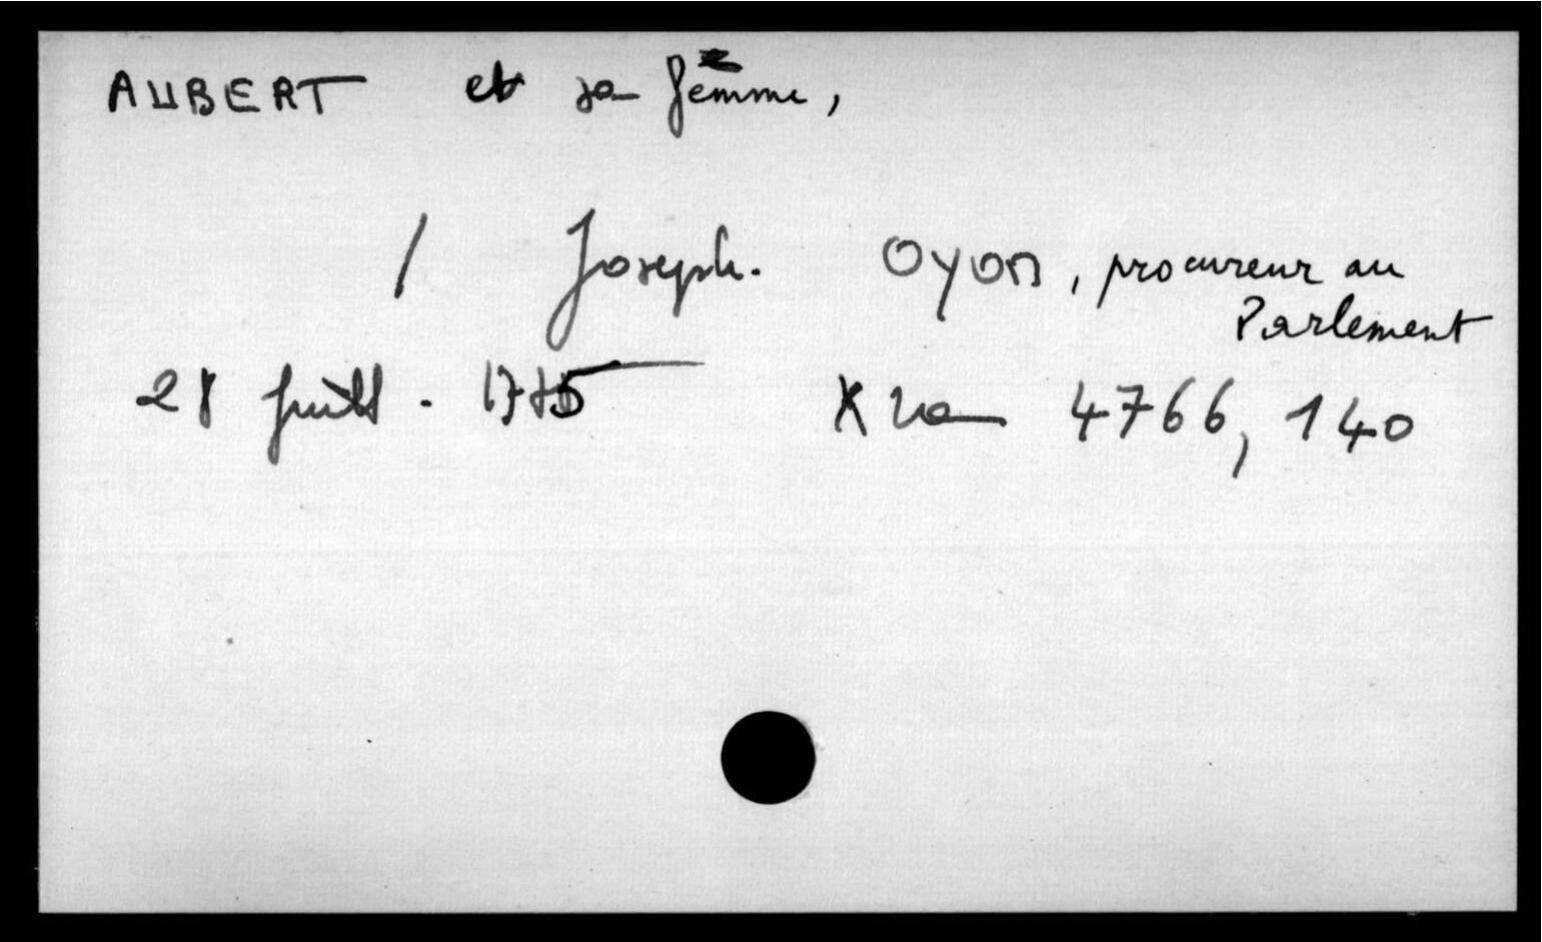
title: AUBERT et sa femme
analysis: Contre Joseph OYON, procureur au Parlement
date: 28 juillet 1775
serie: X2a
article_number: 4766
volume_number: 140
